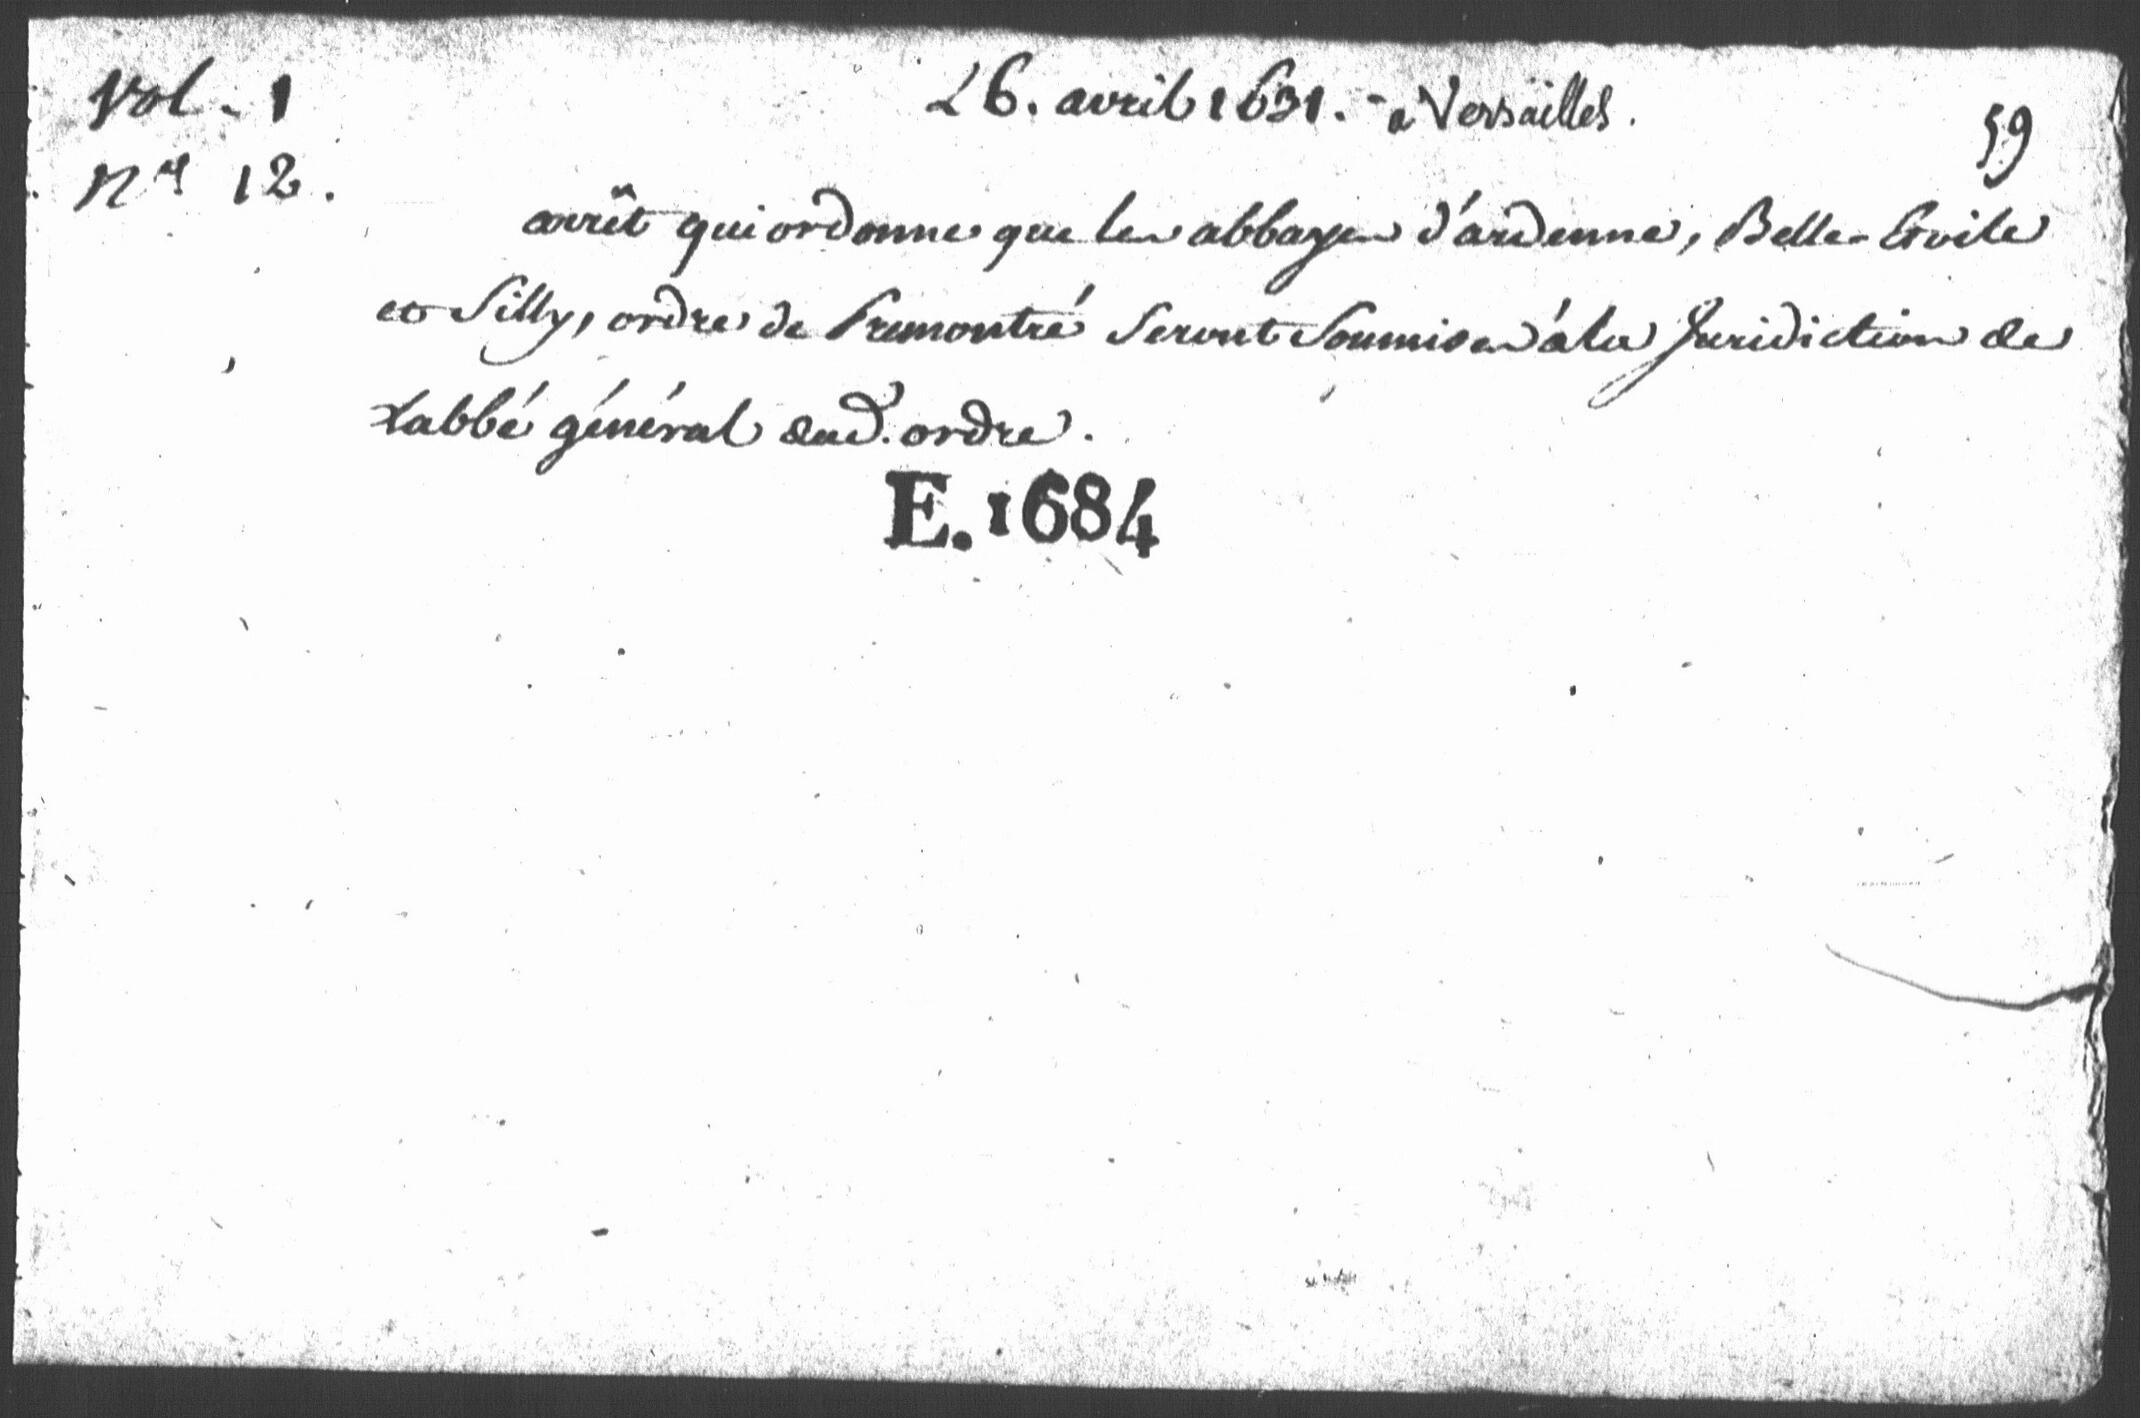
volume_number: n°12
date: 26 avril 1631
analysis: a Versailles 59
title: arrêt qui ordonne que les abbayes d'ardenne, Belle-Etoile et Silly, ordre de Premontré seront soumises à la juridiction de labbé général dud. ordre.
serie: E
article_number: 1684
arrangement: vol. 1
